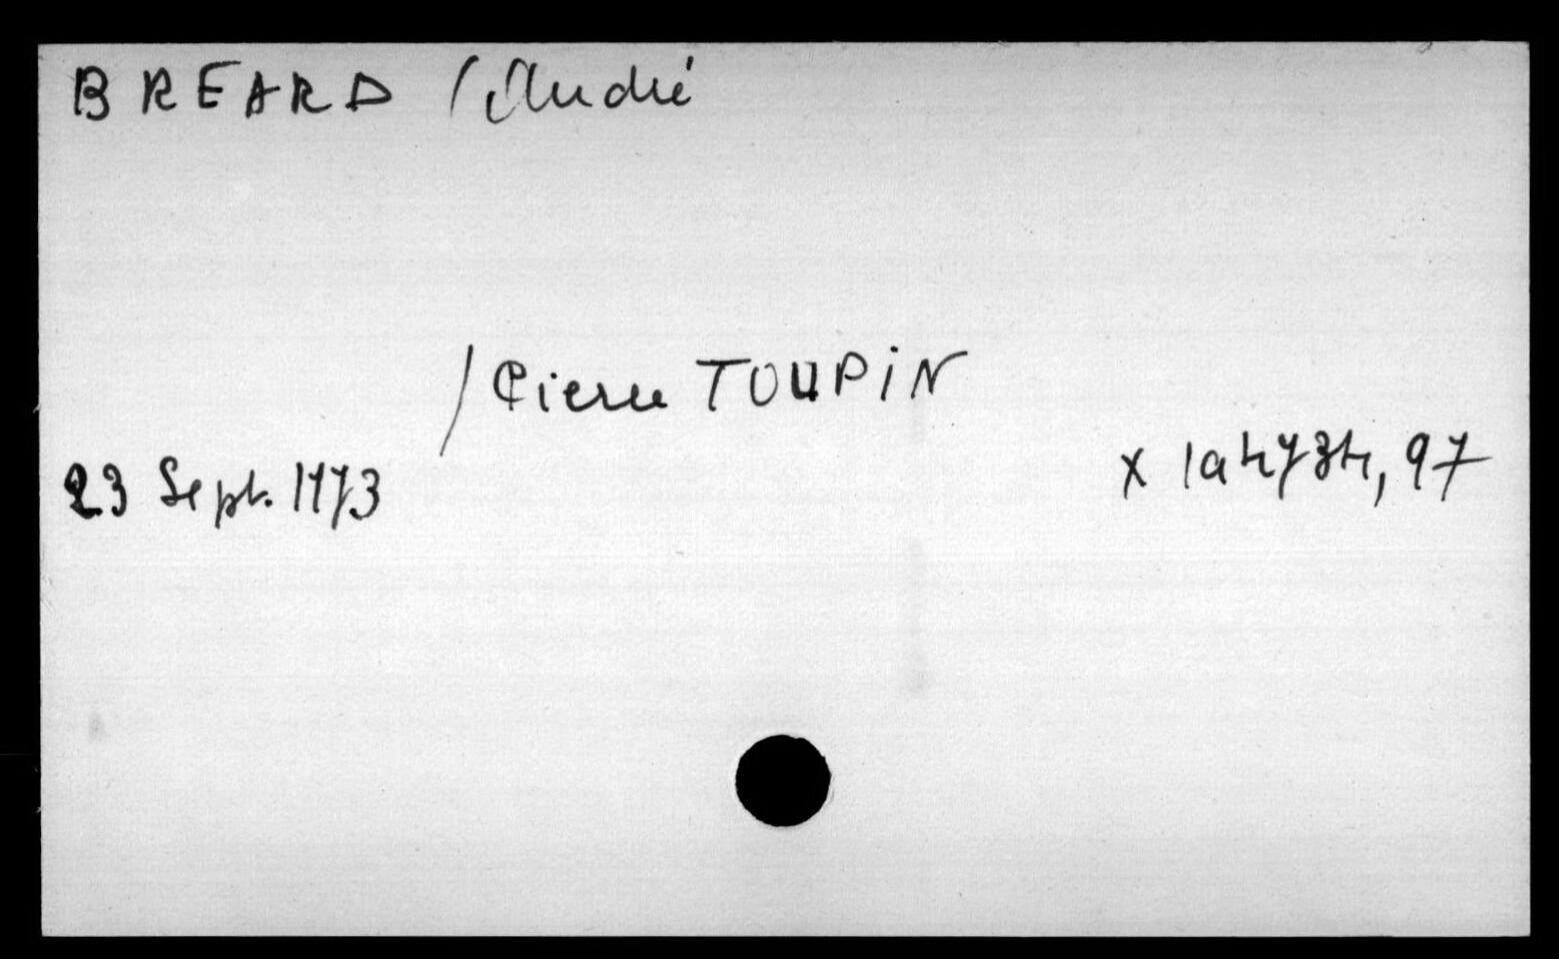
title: BREARD (André
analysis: Contre Pierre TOUPIN
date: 23 septembre 1773
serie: X1a
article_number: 4734
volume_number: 97
